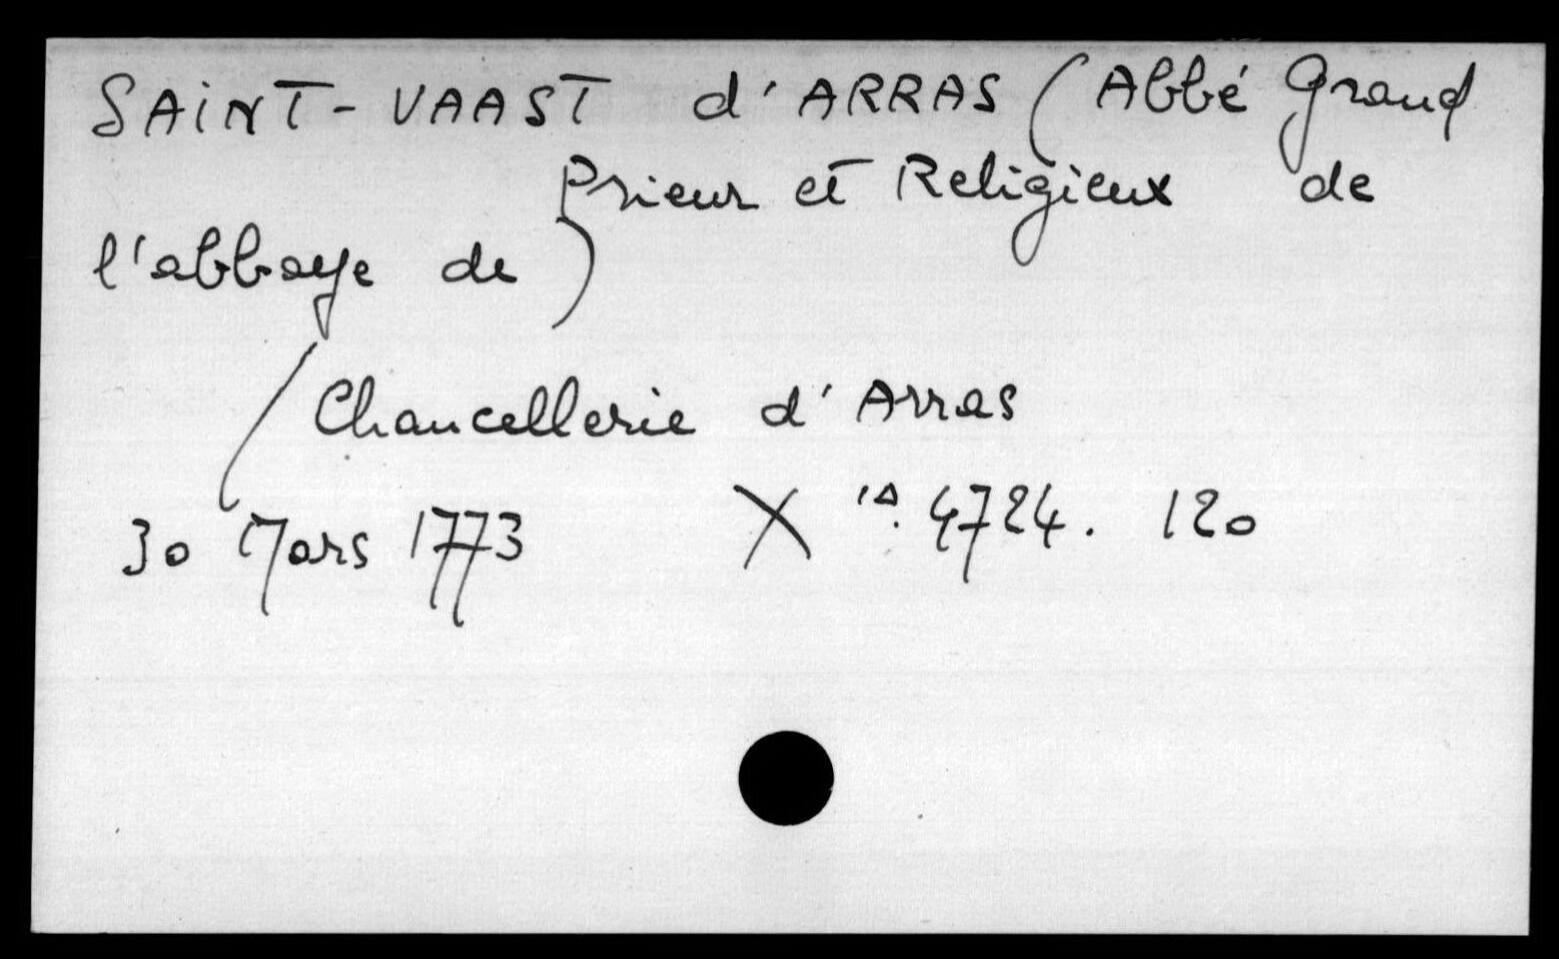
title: SAINT-VAAST d'ARRAS (Abbé Grand Prieur et Religieux de l'abbaye de)
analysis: Contre Chancellerie d'Arras
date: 30 mars 1773
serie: X1A
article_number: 4724
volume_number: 120
